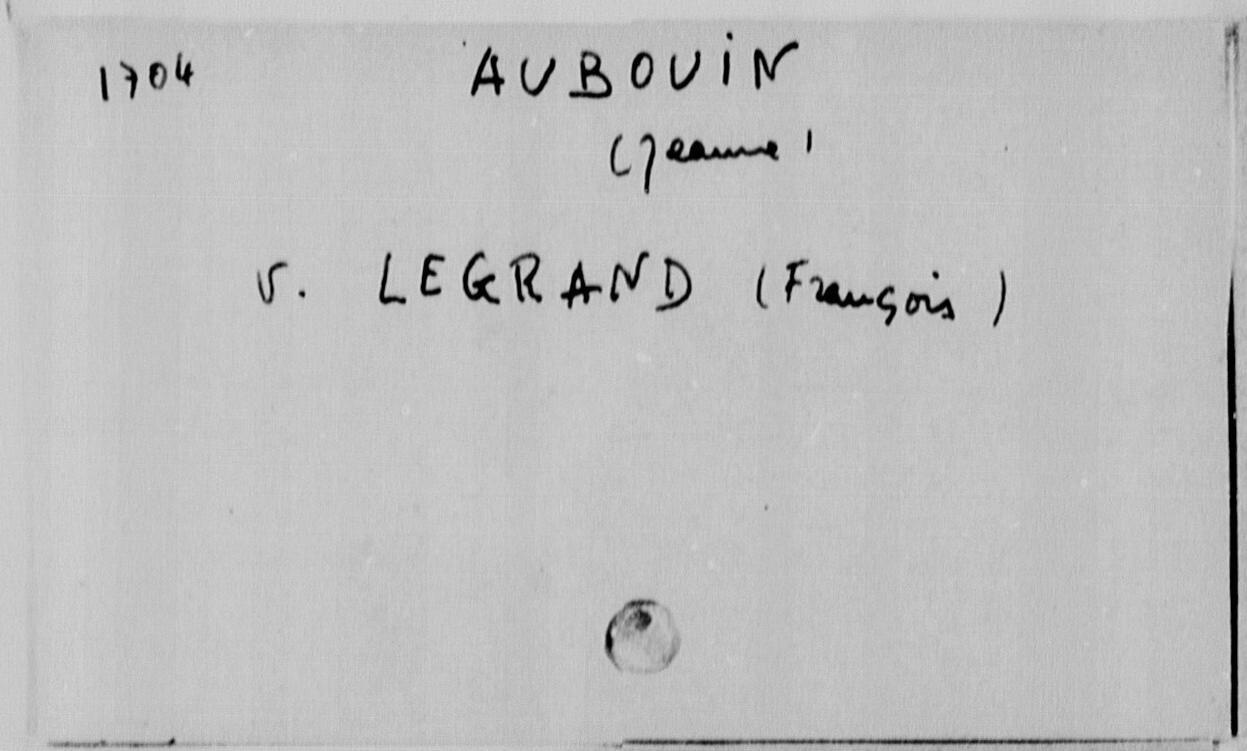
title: AUBOUIN (Jeanne)
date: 1704
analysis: Voir LEGRAND (François)
